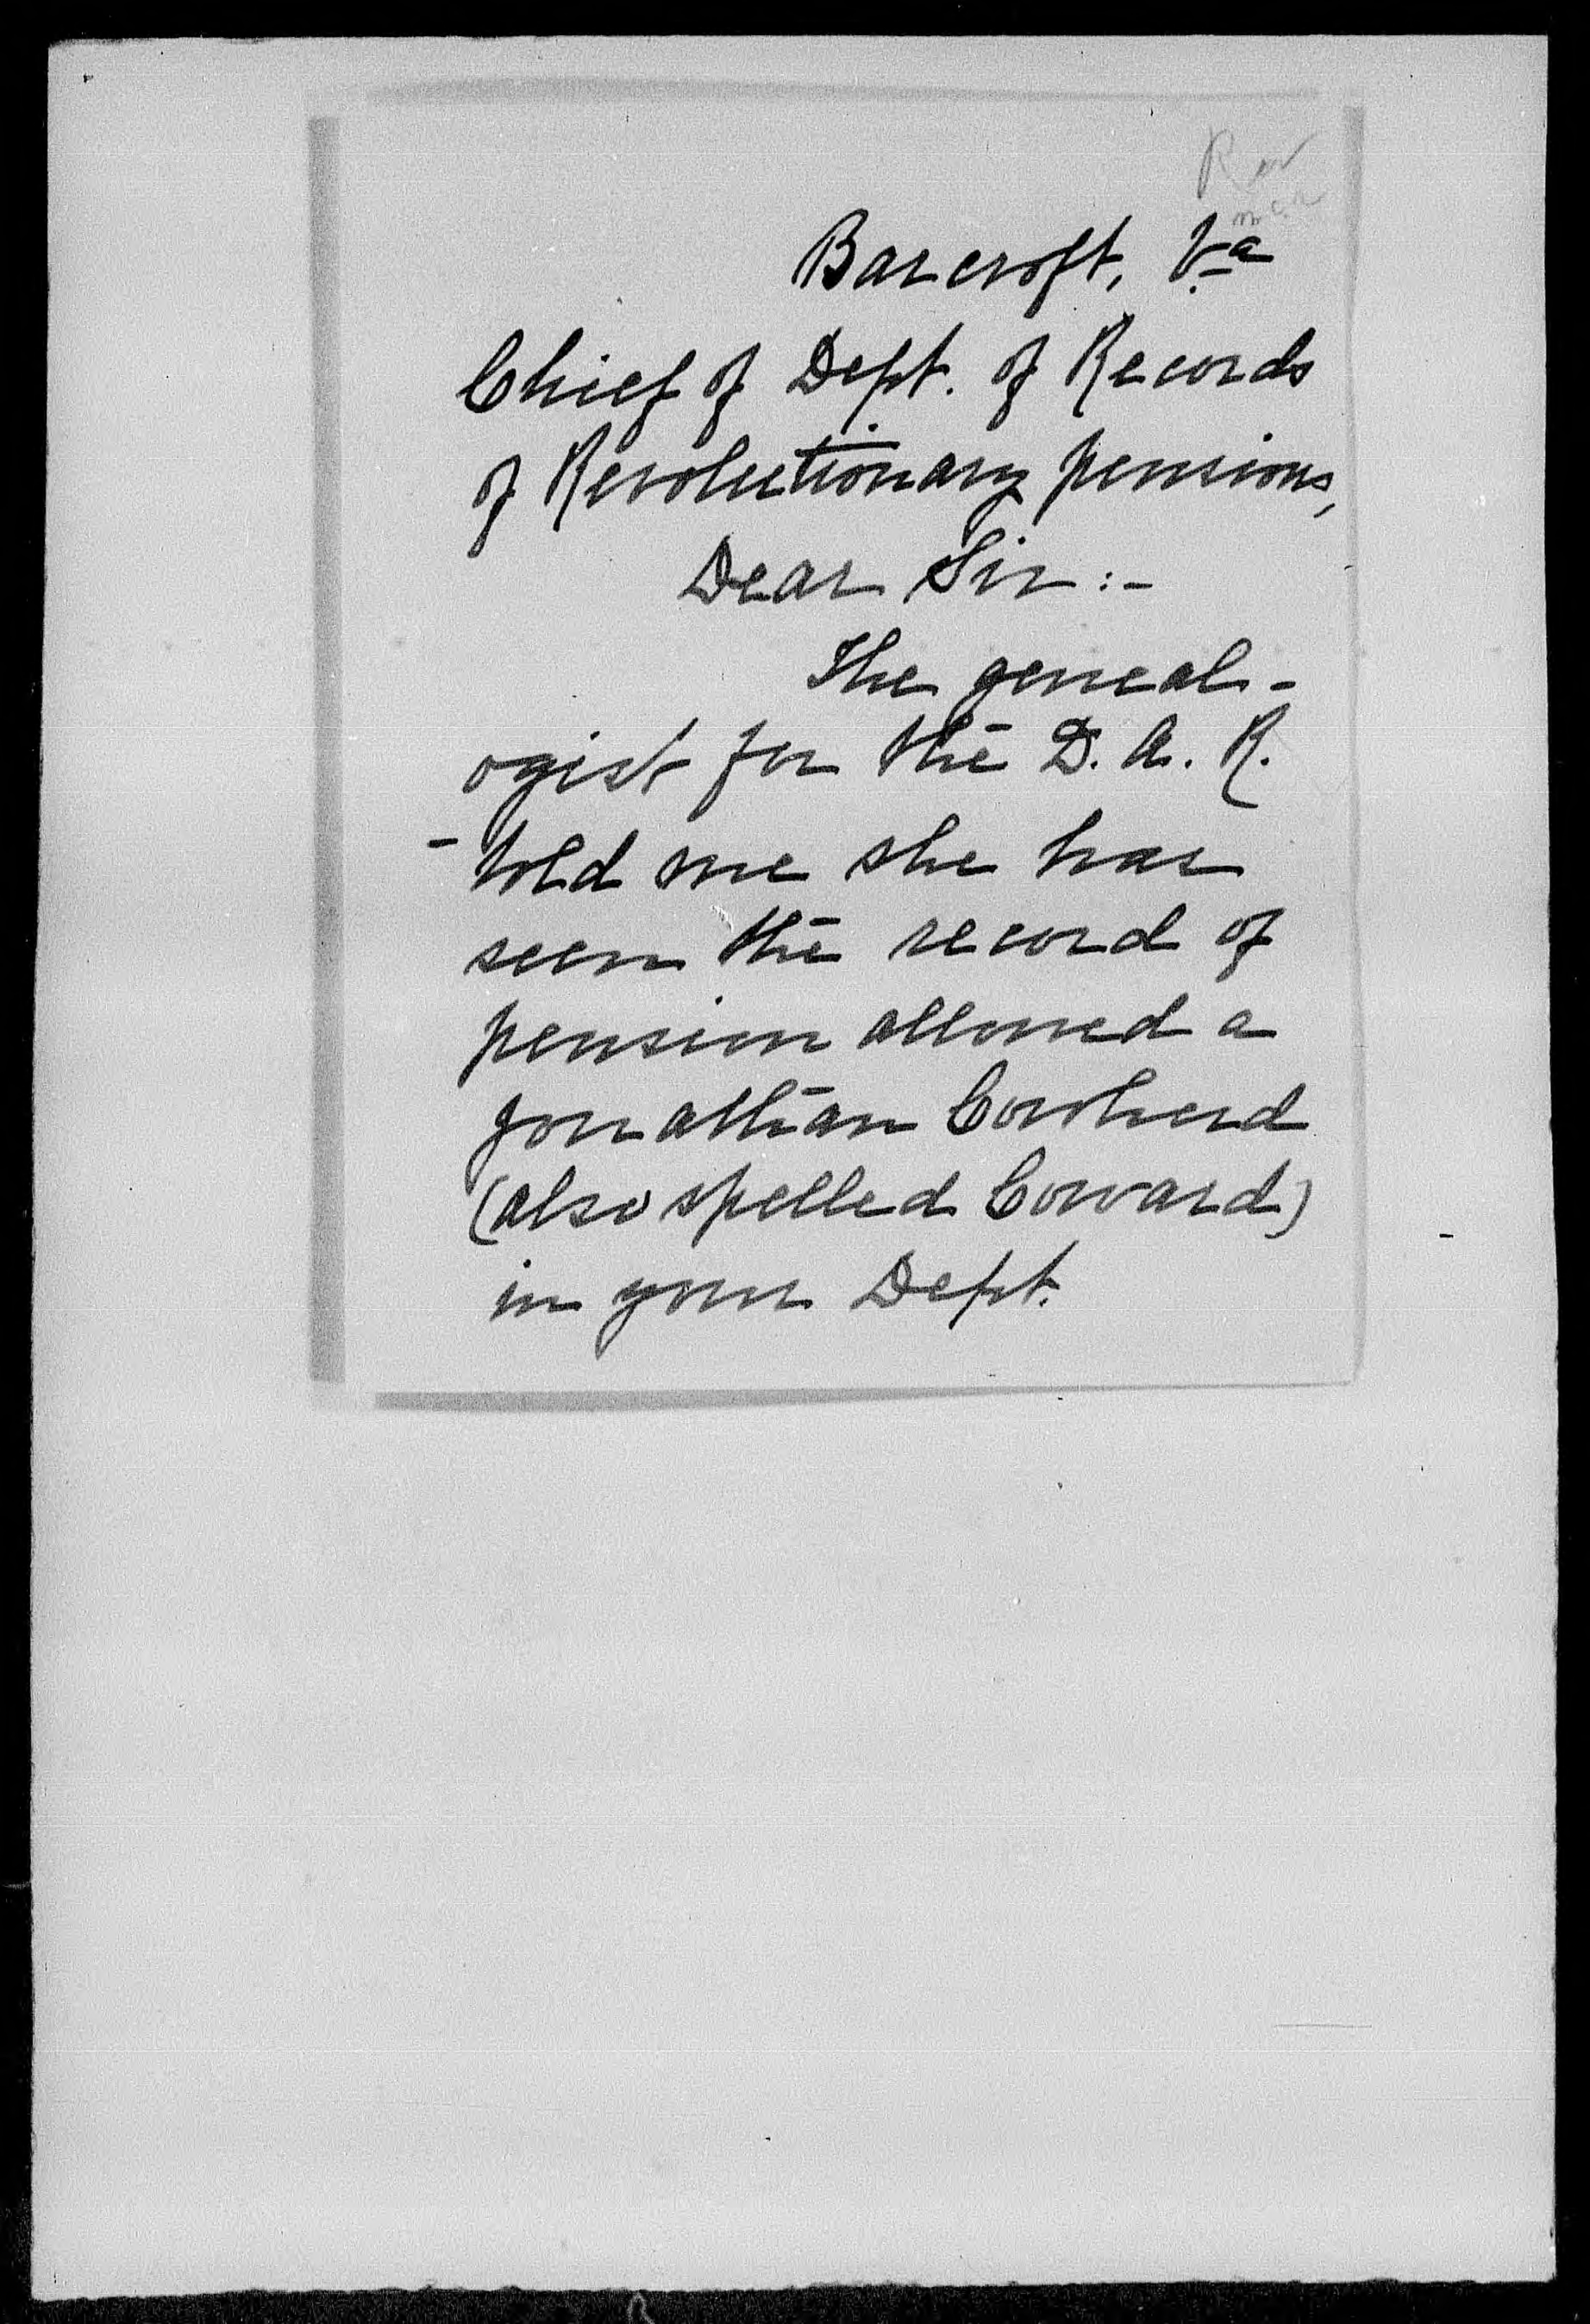Barcroft, Va.
Chief of Dept. of Records
of Revolutionary pensions,
Dear Sir: -
The genealogist for the D.A.R. told me she has seen the record of pension allowed a Jonathan Cowherd (also spelled Coward) in your Dept.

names: Jonathan Coward, Jonathan Cowherd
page: 41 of 46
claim: widow's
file: W 8619, Jonathan Cowherd, Va.